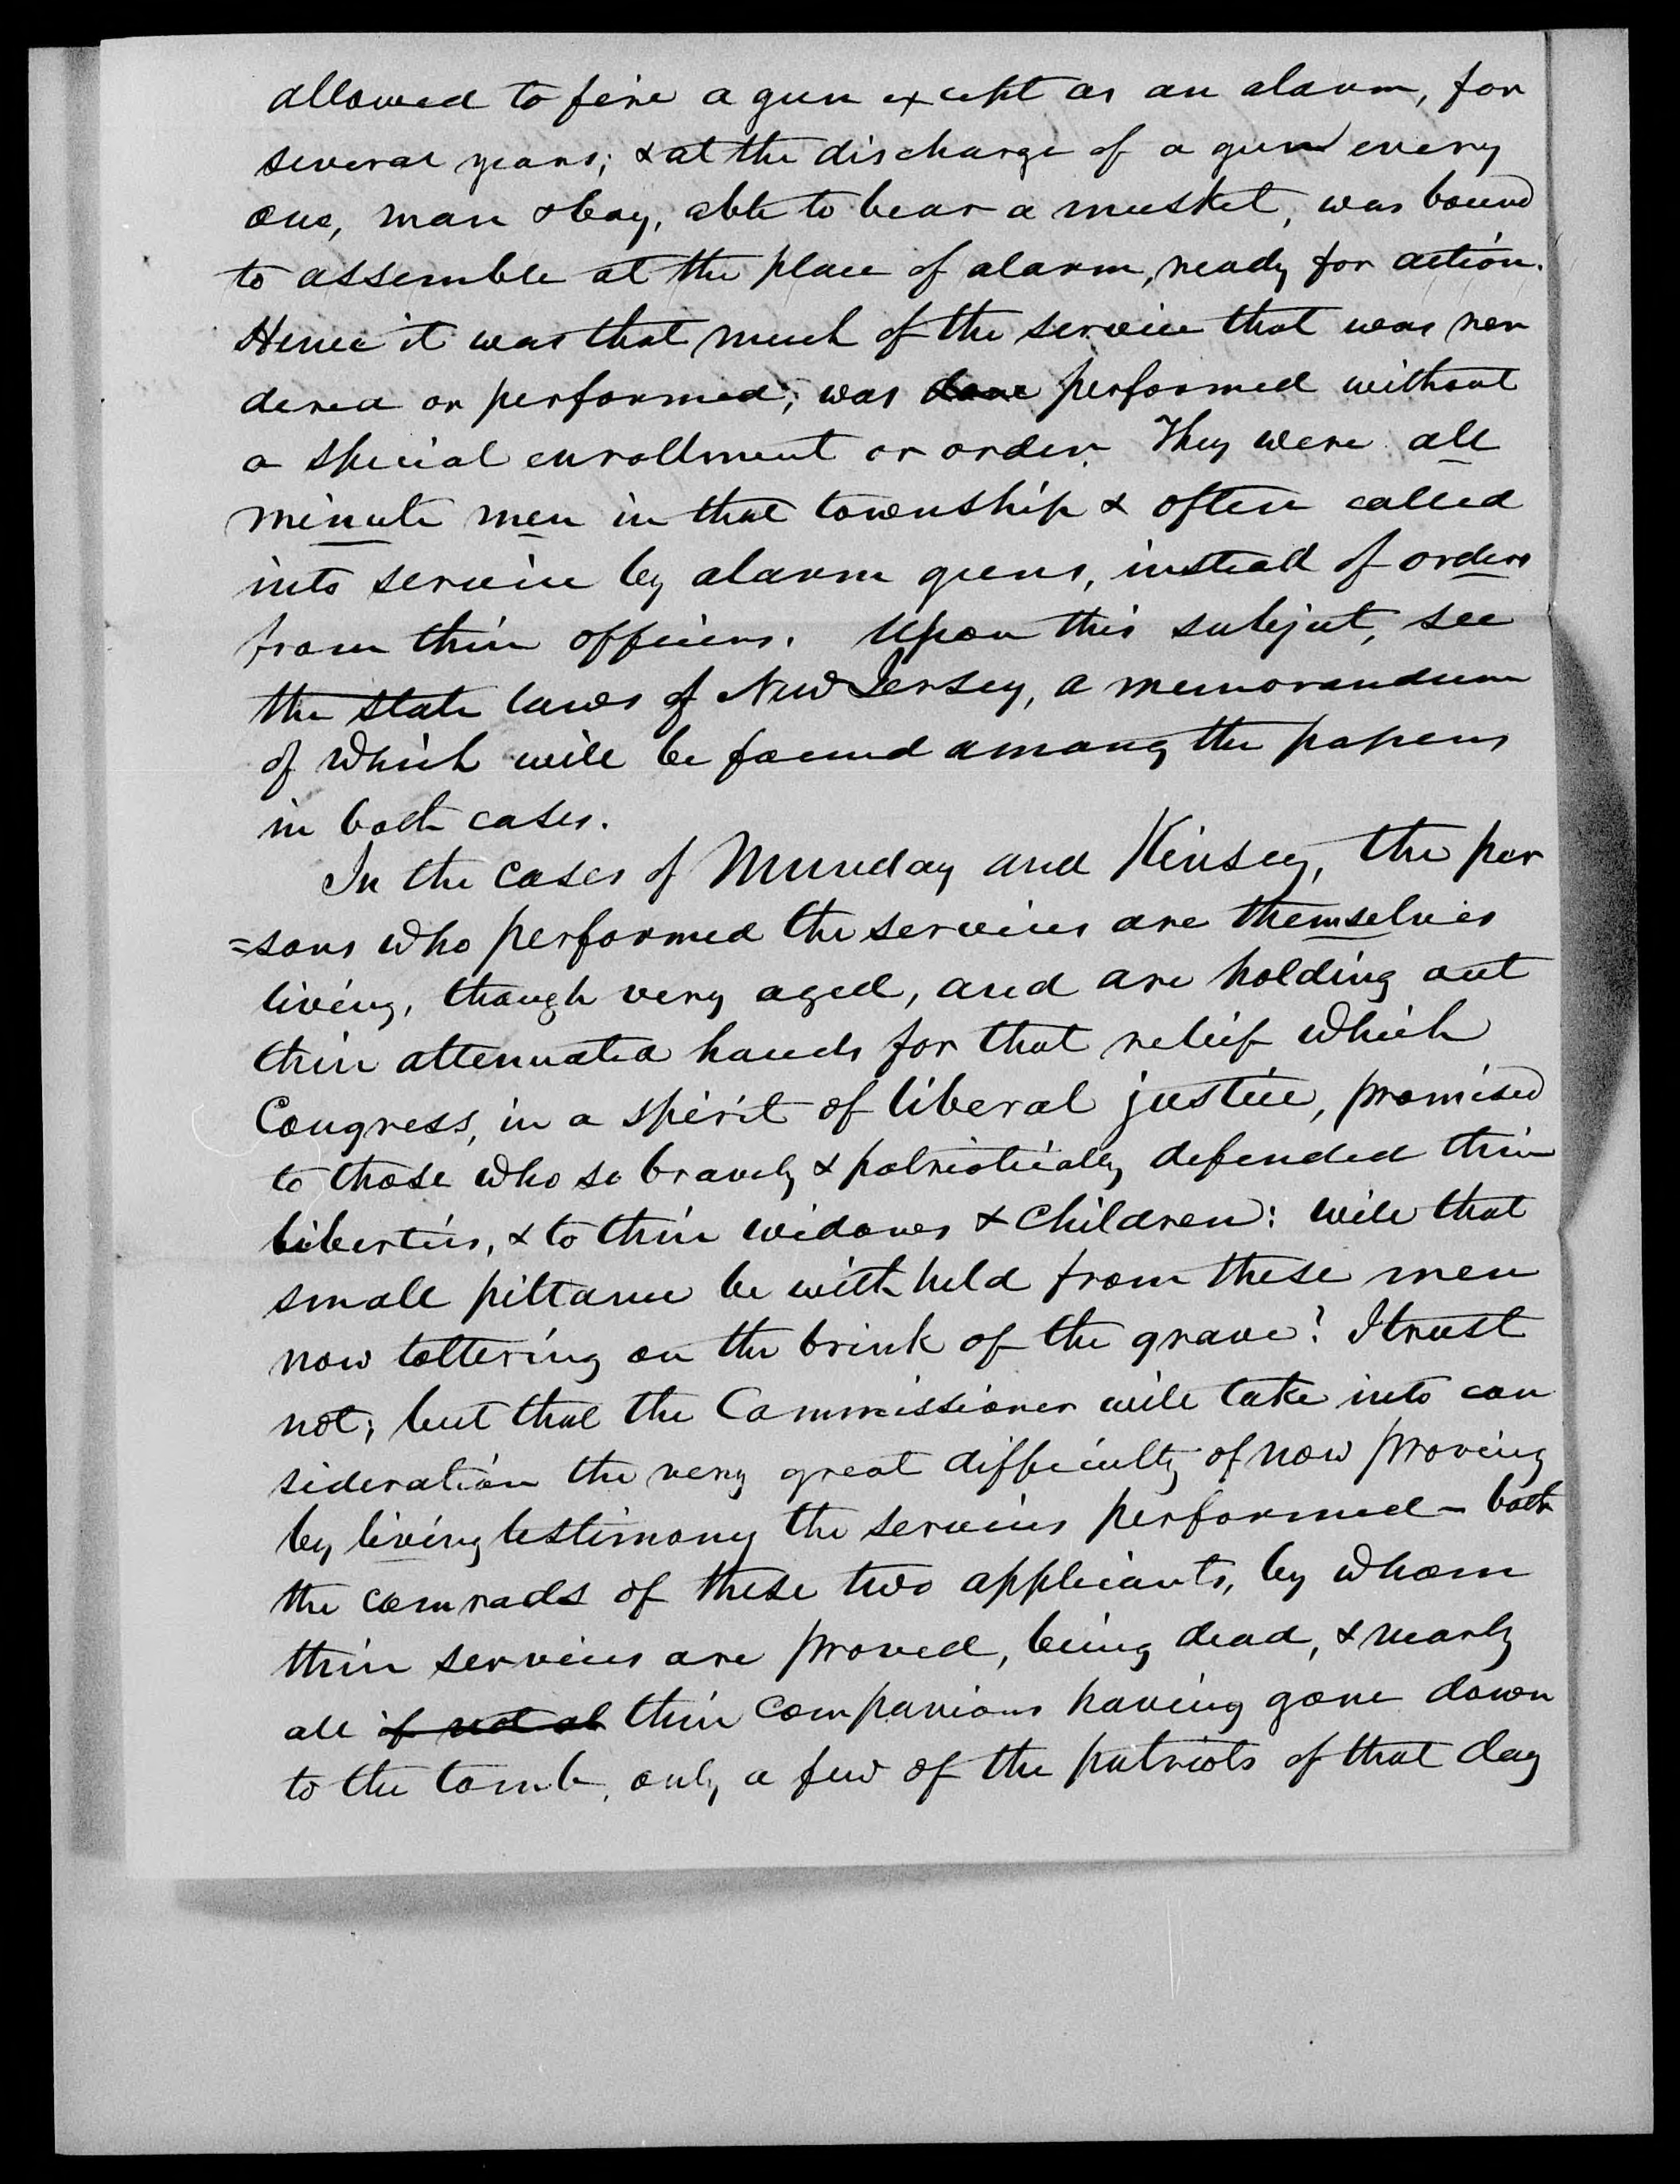...allowed to fire a gun except as an alarm, for several years, & at the discharge of a gun everyone, man & boy, able to bear a musket, was bound to assemble at the place of alarm, ready for action.

Hence, it was that much of the service that was rendered or performed, was [crossed out: done] performed without a special enrollment or order. They were all Minutemen in that township & often called into service by alarm guns, instead of orders from their officers. Upon this subject, see the State Laws of New Jersey, a memorandum of which will be found among the papers in both cases.

In the cases of Munday and Kinsey, the persons who performed the services, are themselves living, though very aged, and are holding out their attenuated hands for that relief which Congress, in a spirit of liberal justice, promised to those who so bravely & patriotically defended their liberties, & to their widows & children; will that small pittance be withheld from these men now tattering on the brink of the grave? I trust not, but that the Commissioner will take into consideration the very great difficulty of now proving, by living testimony, the services performed - both the comrades of these two applicants, by whom their services are proved, being dead & nearly all [crossed out: if not all] their companions having gone down to the tomb, only a few of the patriots of that day...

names: [BLANK] Kinsey; [BLANK] Munday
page: 94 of 95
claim: survivor's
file: S 2889, for Levi Mundy, New Jersey